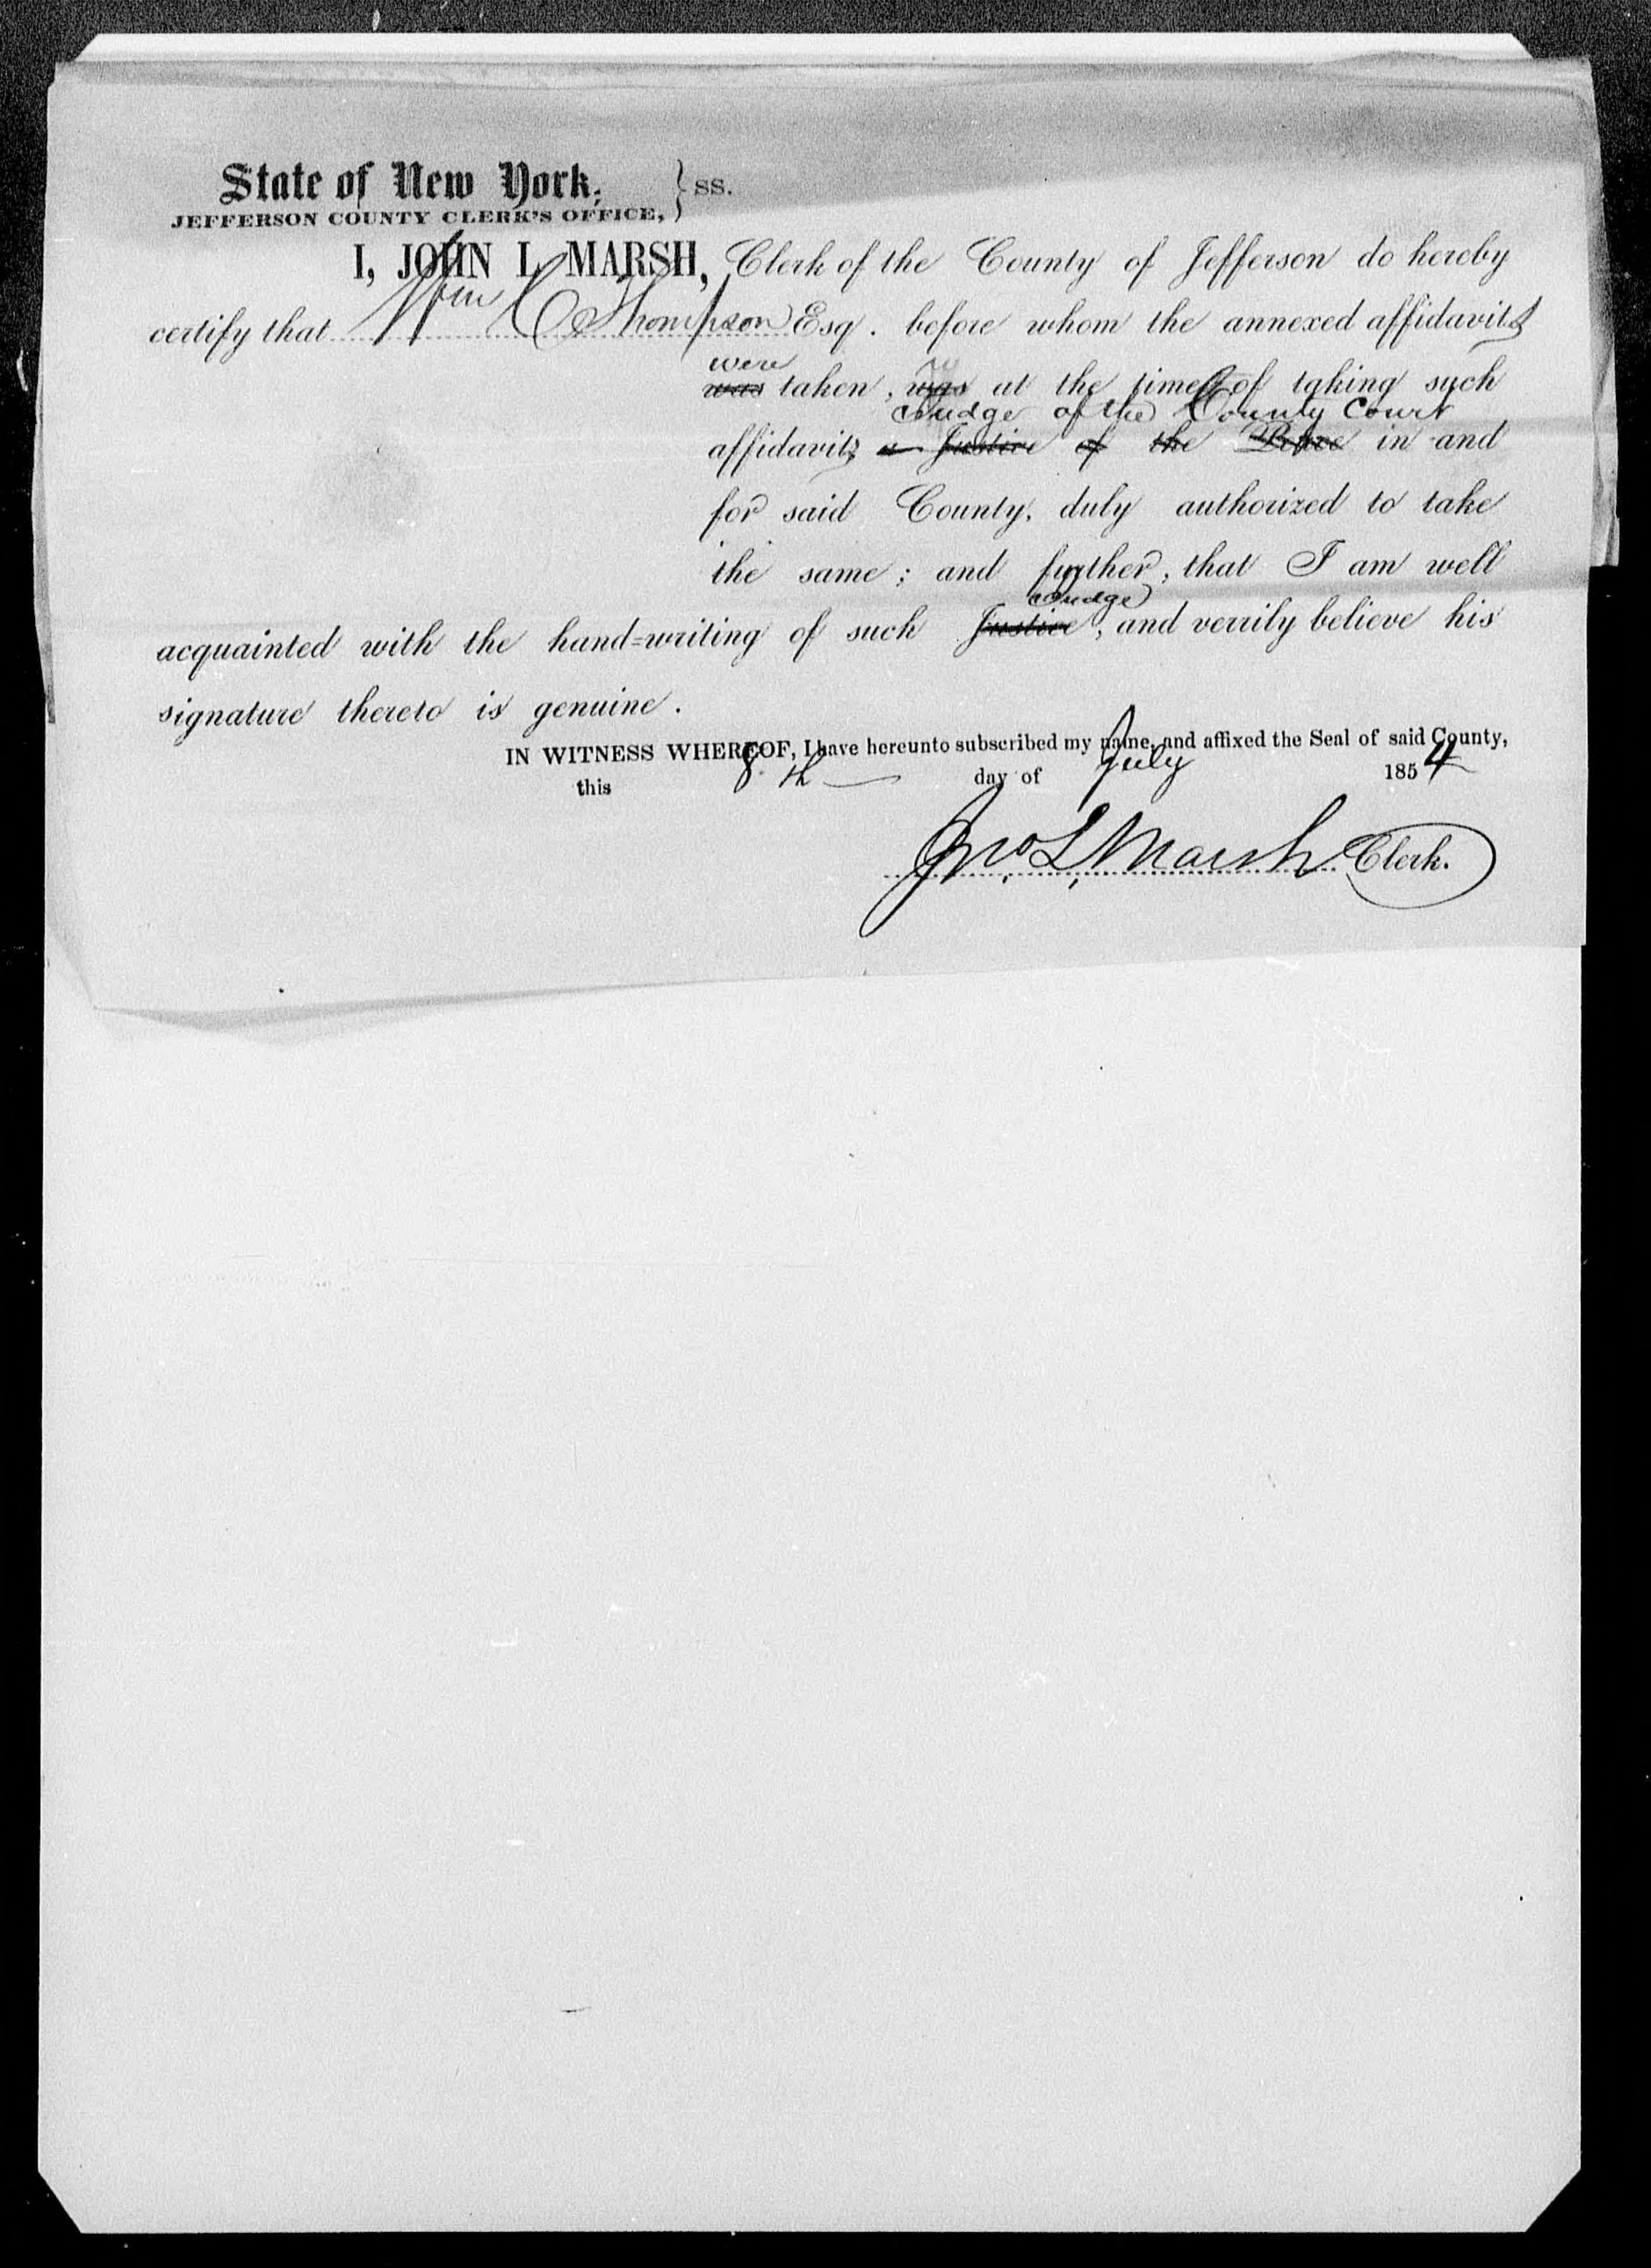State of New York,}
Jefferson County Clerk's Office,} ss. 
I, JOHN L MARSH, Clerk of the County of Jefferson do hereby certify that Wm C Thompson Esq. before whom the annexed affidavits were taken was at the time of taking such affidavits a Judge of the County Court in and for said County, duly authorized to take the same; and further, that I am well acquainted with the handwriting of such Judge and verily believe his thereto is genuine. 
IN WITNESS WHEREOF, I have subscribed my name affixed the Seal of said County, this 8th day of July 1854
[Signed] Jno L. Marsh Clerk. 
[SEAL]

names: Wm C Thompson, Jno L Marsh, John L Marsh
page: 13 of 47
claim: widow's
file: W. 10,602, Barce Chard, New York.